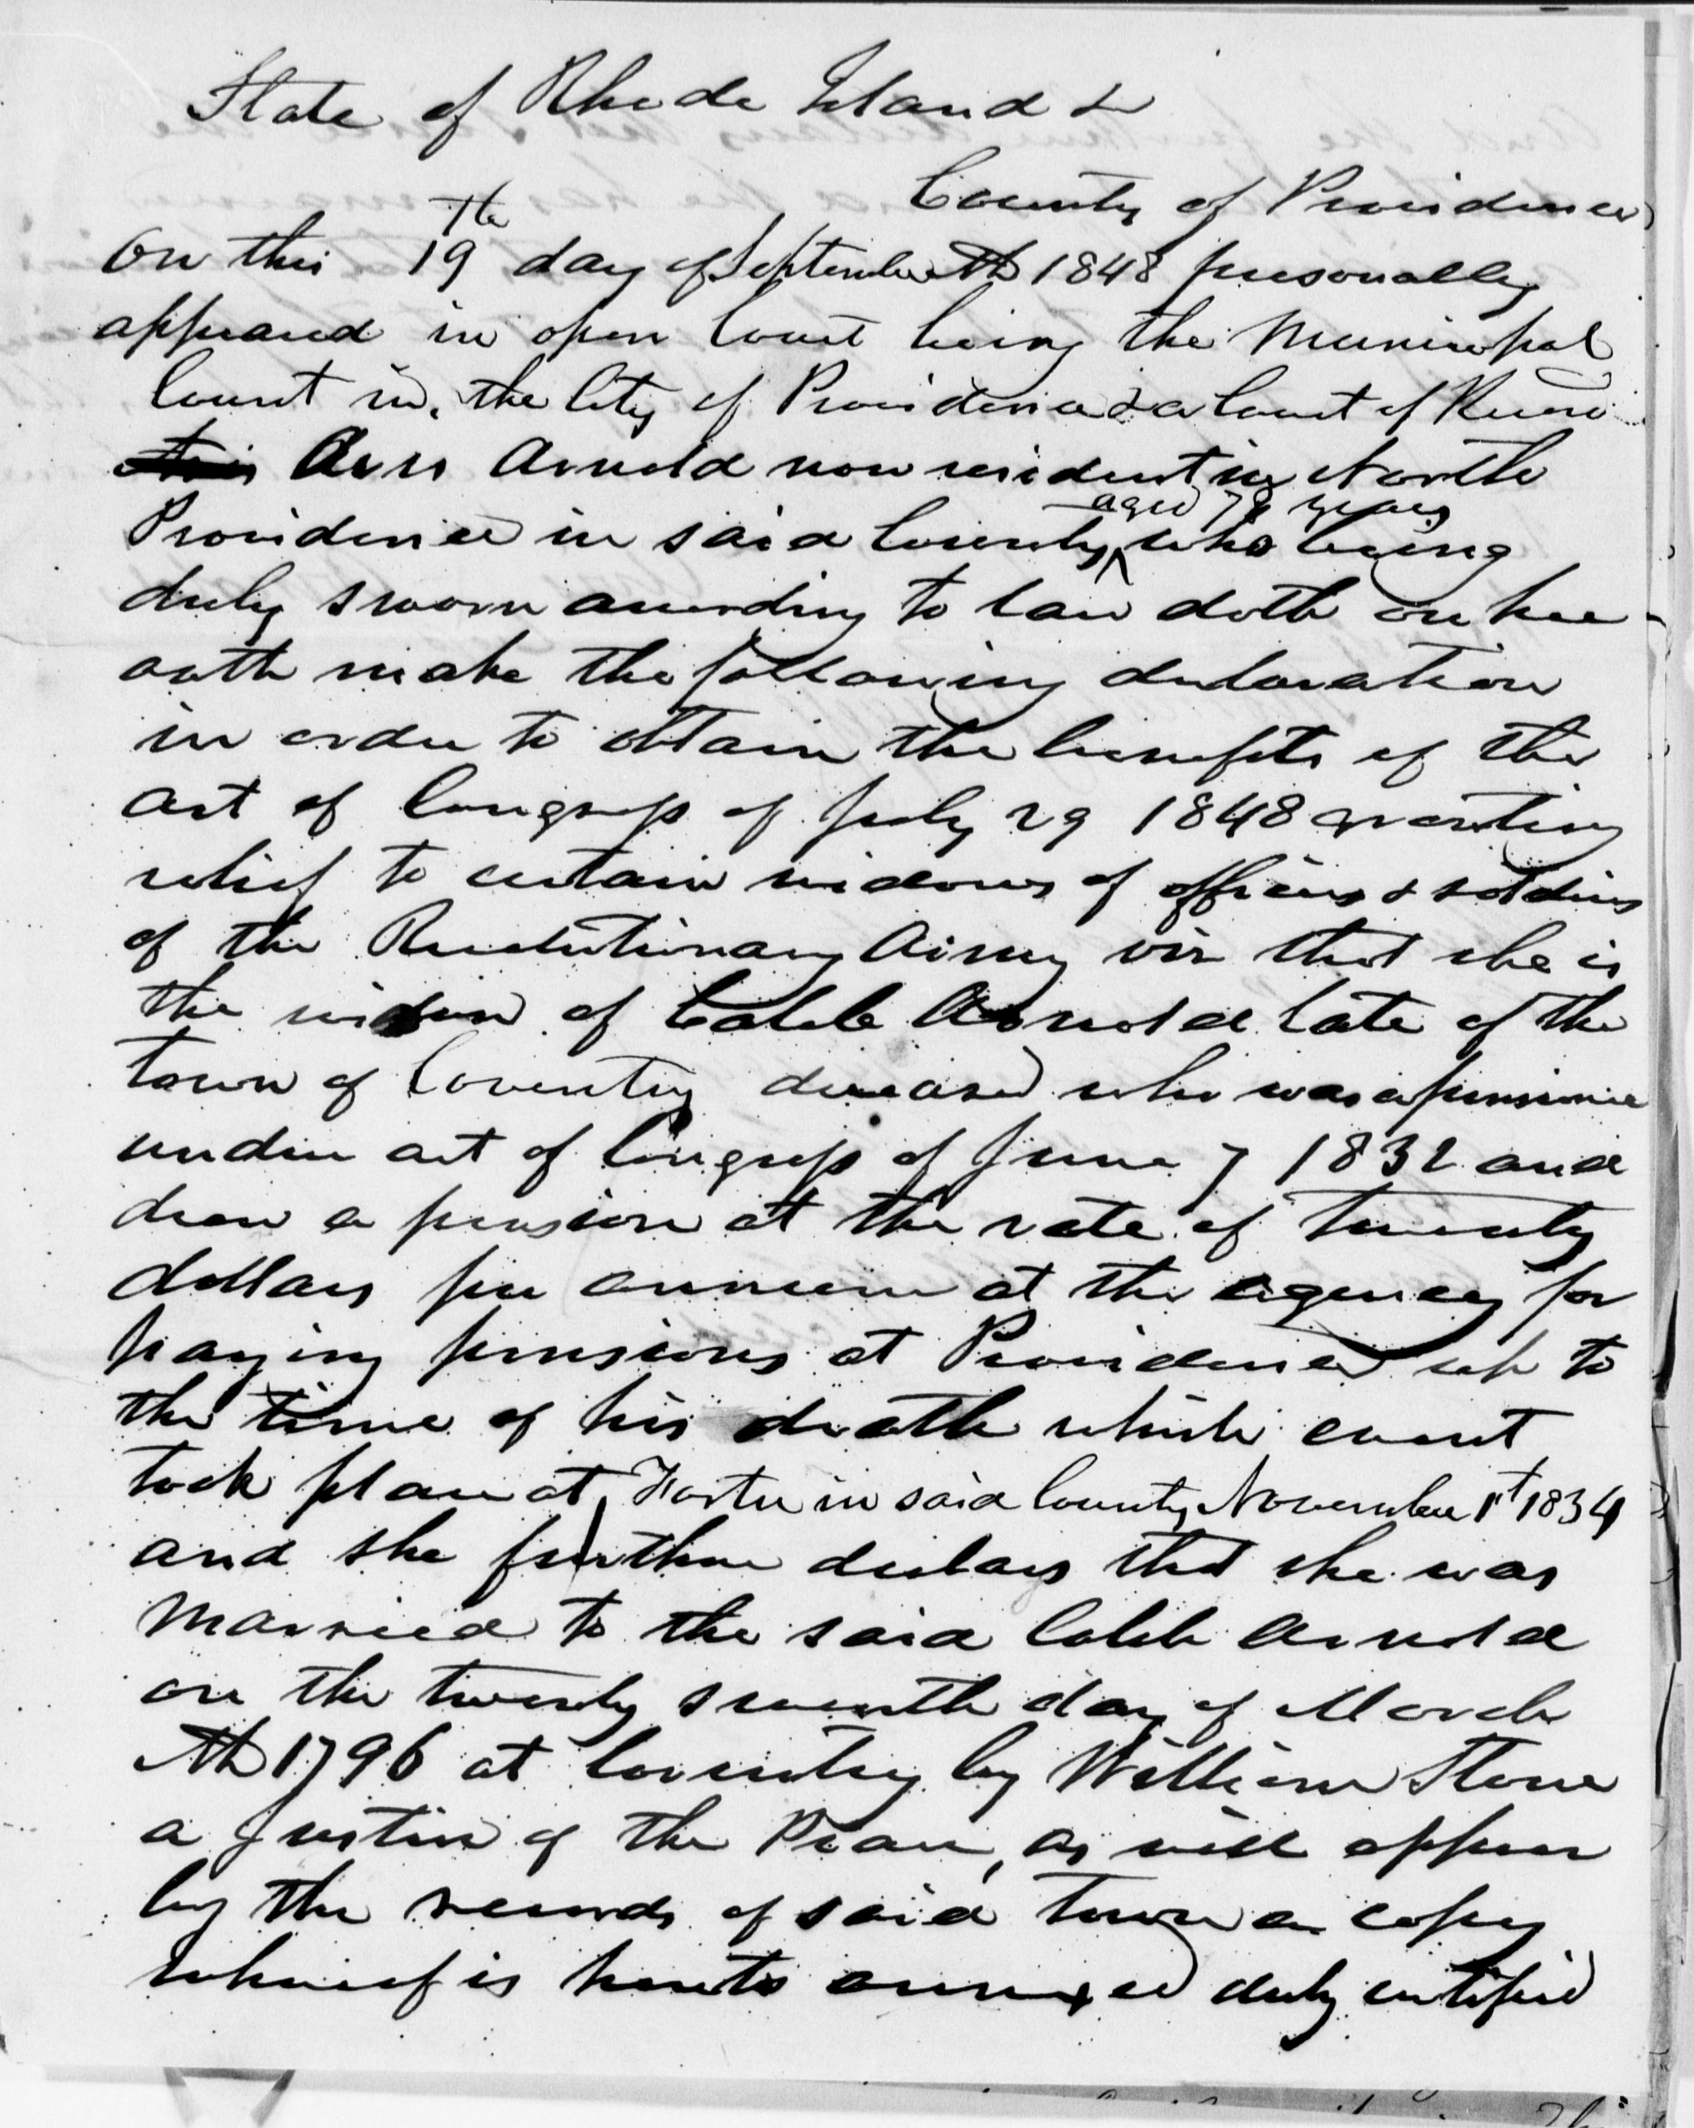State of Rhode Island+ 
County of Providence,
On this 19th day of September AD 1848 personally appeared in open Court being the municipal Court in the City of Providence + a Court of [illegible]
[crossed out illegible] Avis Arnold now resident in [illegible] Providence in said County aged 78 years who being duly sworn according to law doth [illegible] her oath make the following declaration in order to obtain the benefits of the Act of Congress of July 29 1848 [illegible] relief to certain widows of officers  + soldiers of the Revolutionary Army viz that she is the widow of Caleb Arnold late of the Town of Coventry [illegible] who was a pensioner under act of Congress of June 7 1832 and drew a pension at the rate of twenty dollars per annum at the agency for [illegible] pensions at Providence [illegible] to the time of his death which event took place at [illegible] in said County November 1st 1834 
and she further declares that she was married to the said Caleb Arnold on the twenty seventh day of March AD 1796 at Coventry by William Sterne a Justice of the Peace, as will appear by the records of said Town a copy whereof is hereto annexed + duly certified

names: Caleb Arnold, Avis Arnold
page: 9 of 29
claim: widow's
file: W. 2582, Caleb Arnold, R.I.